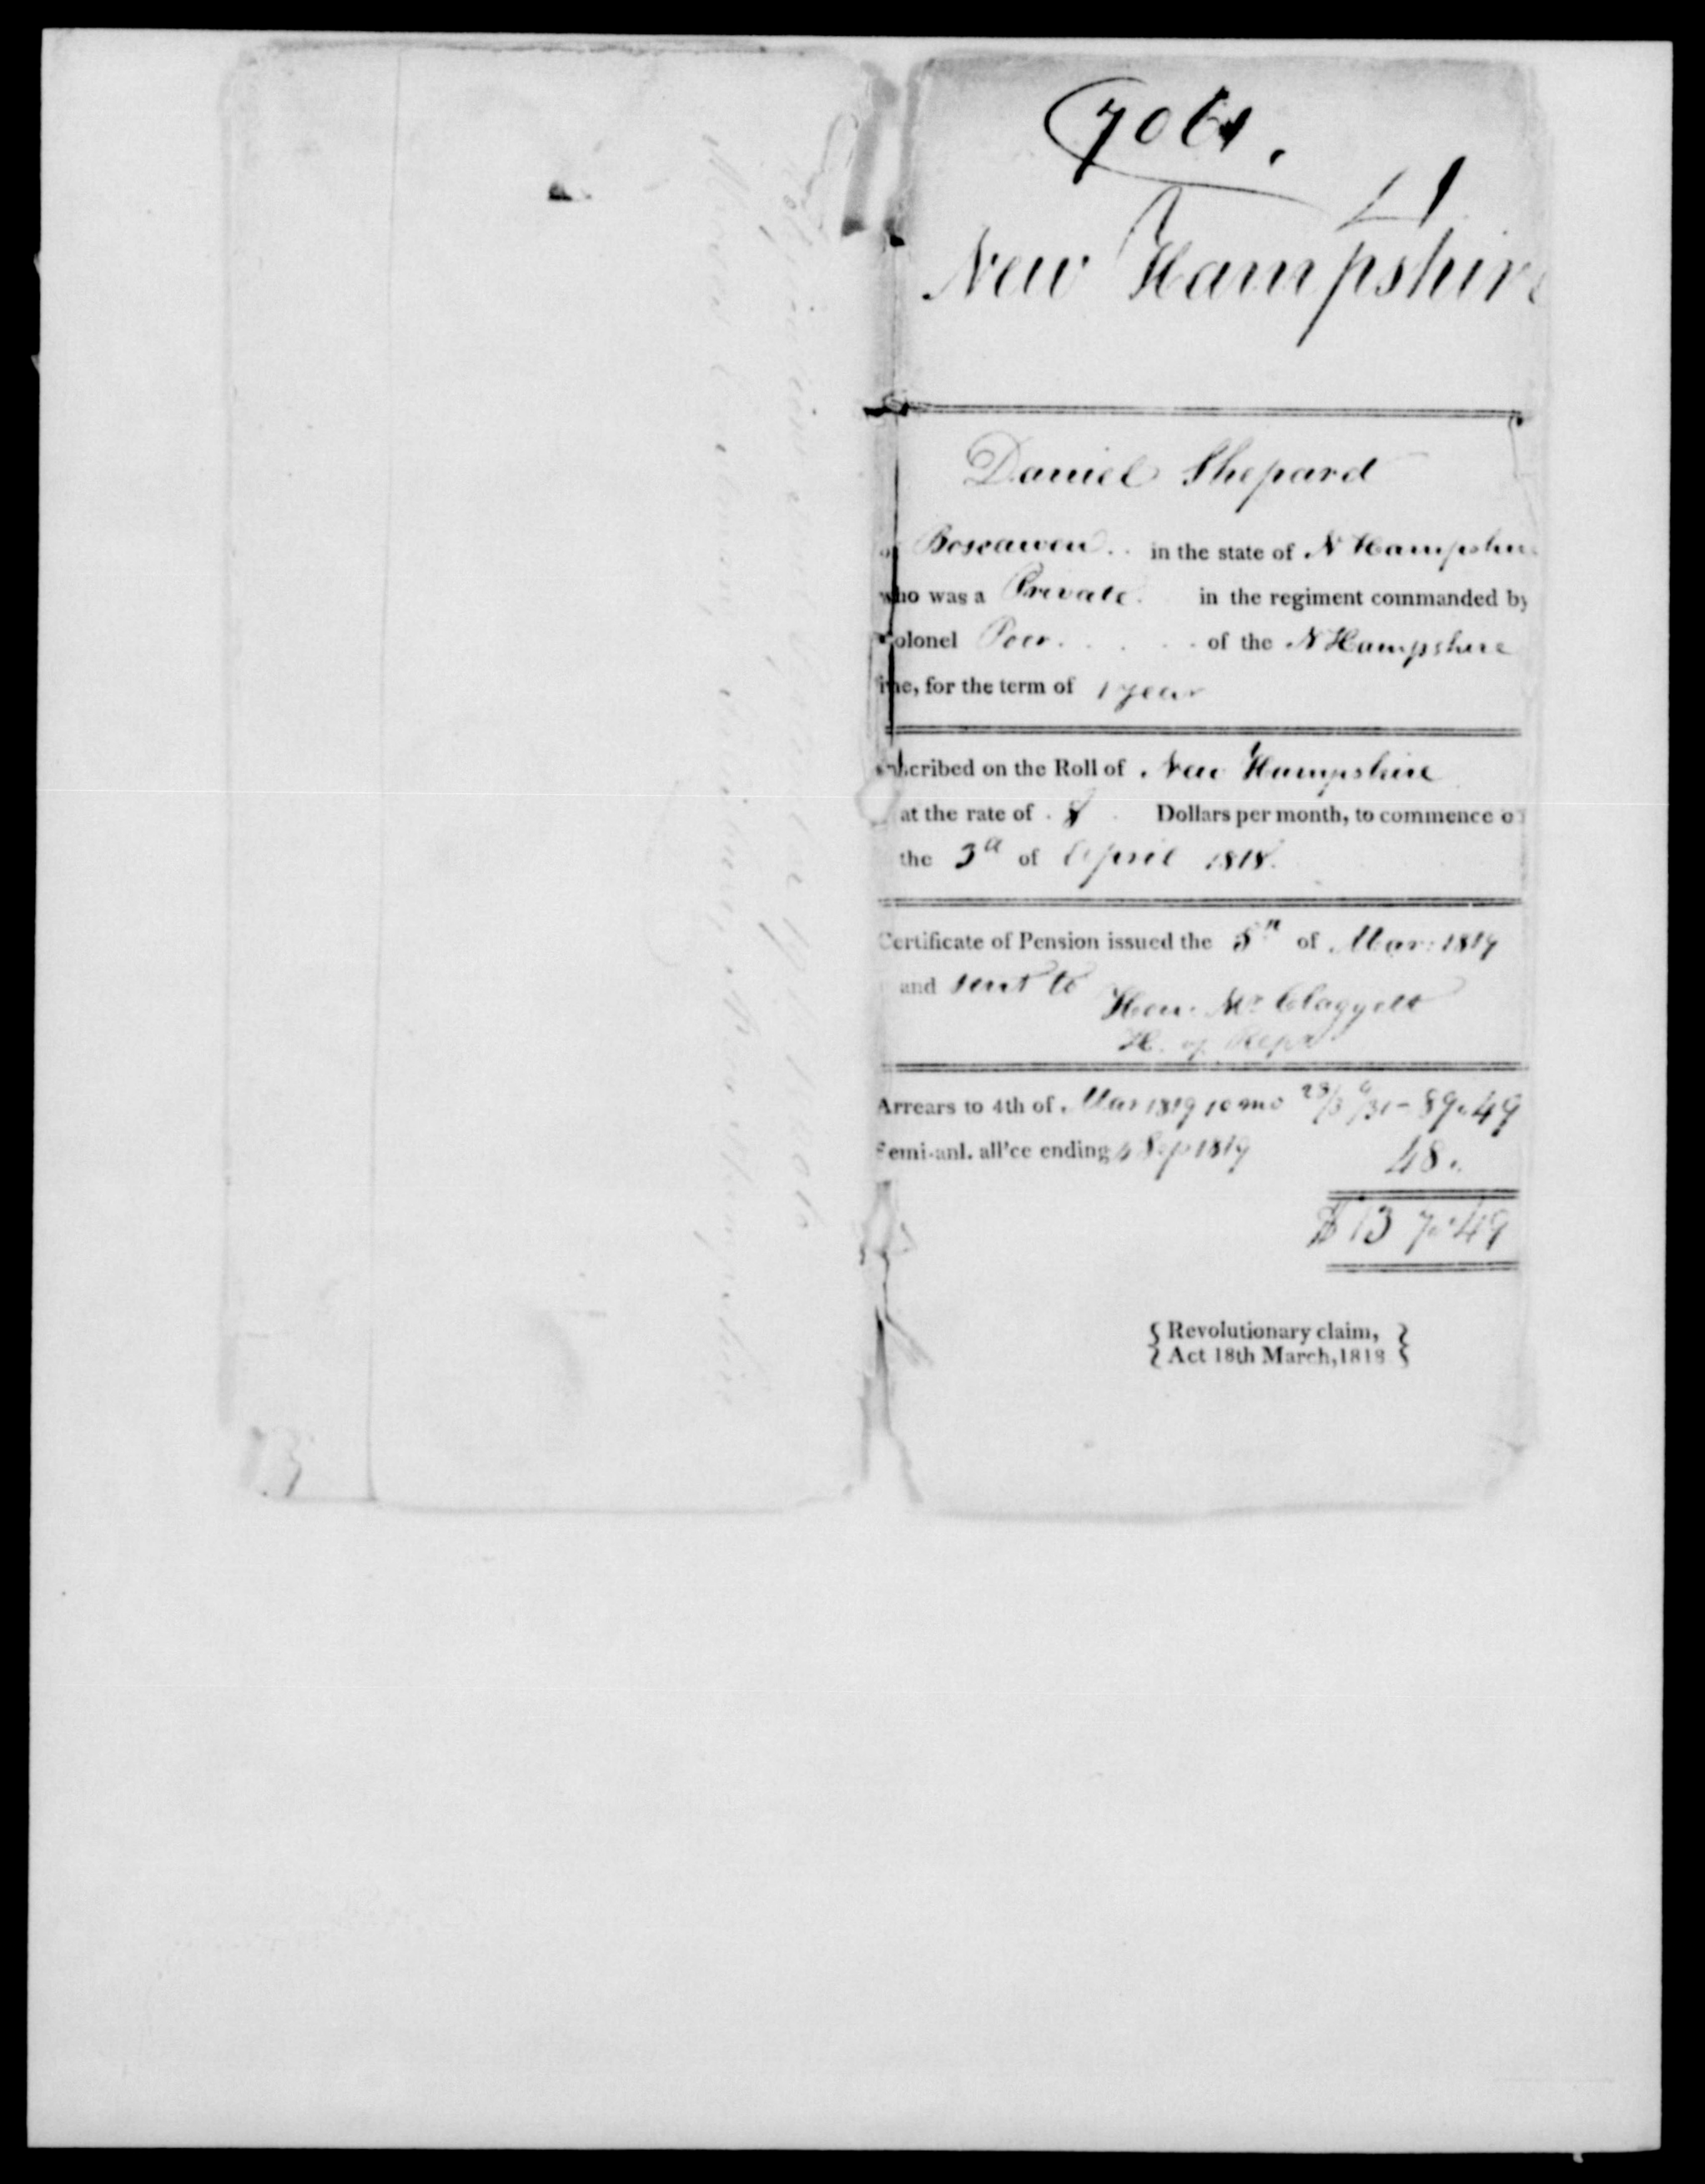7061
New Hampshire
Daniel Shepard
of Boseaen in the state of N. Hampshire who was a  private
in the regiment commanded by
Colonel Poor
of the N Hampshire line, for the term of 1 year
In scribed on the Roll of New Hampshire
at the rate of 8
Dollars per month, to commence on
the 3d of April 1818.
Certificate of
and sent to
Pension issued the 5th of Mar 1819
and sent to W Claggett
H of Reps
Arrears to 4th 1819 10 and 23/3/31 -  89.49
semi-anl. all'ce ending 4 Sep 1819 48.
$137.49
 
{Revolutionary claim,
Act 18th March, 1818 }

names: Daniel Shepard; [BLANK] Poor; W Claggett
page: 2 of 25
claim: survivor's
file: S. 43137, for Daniel Shepard, New Hampshire